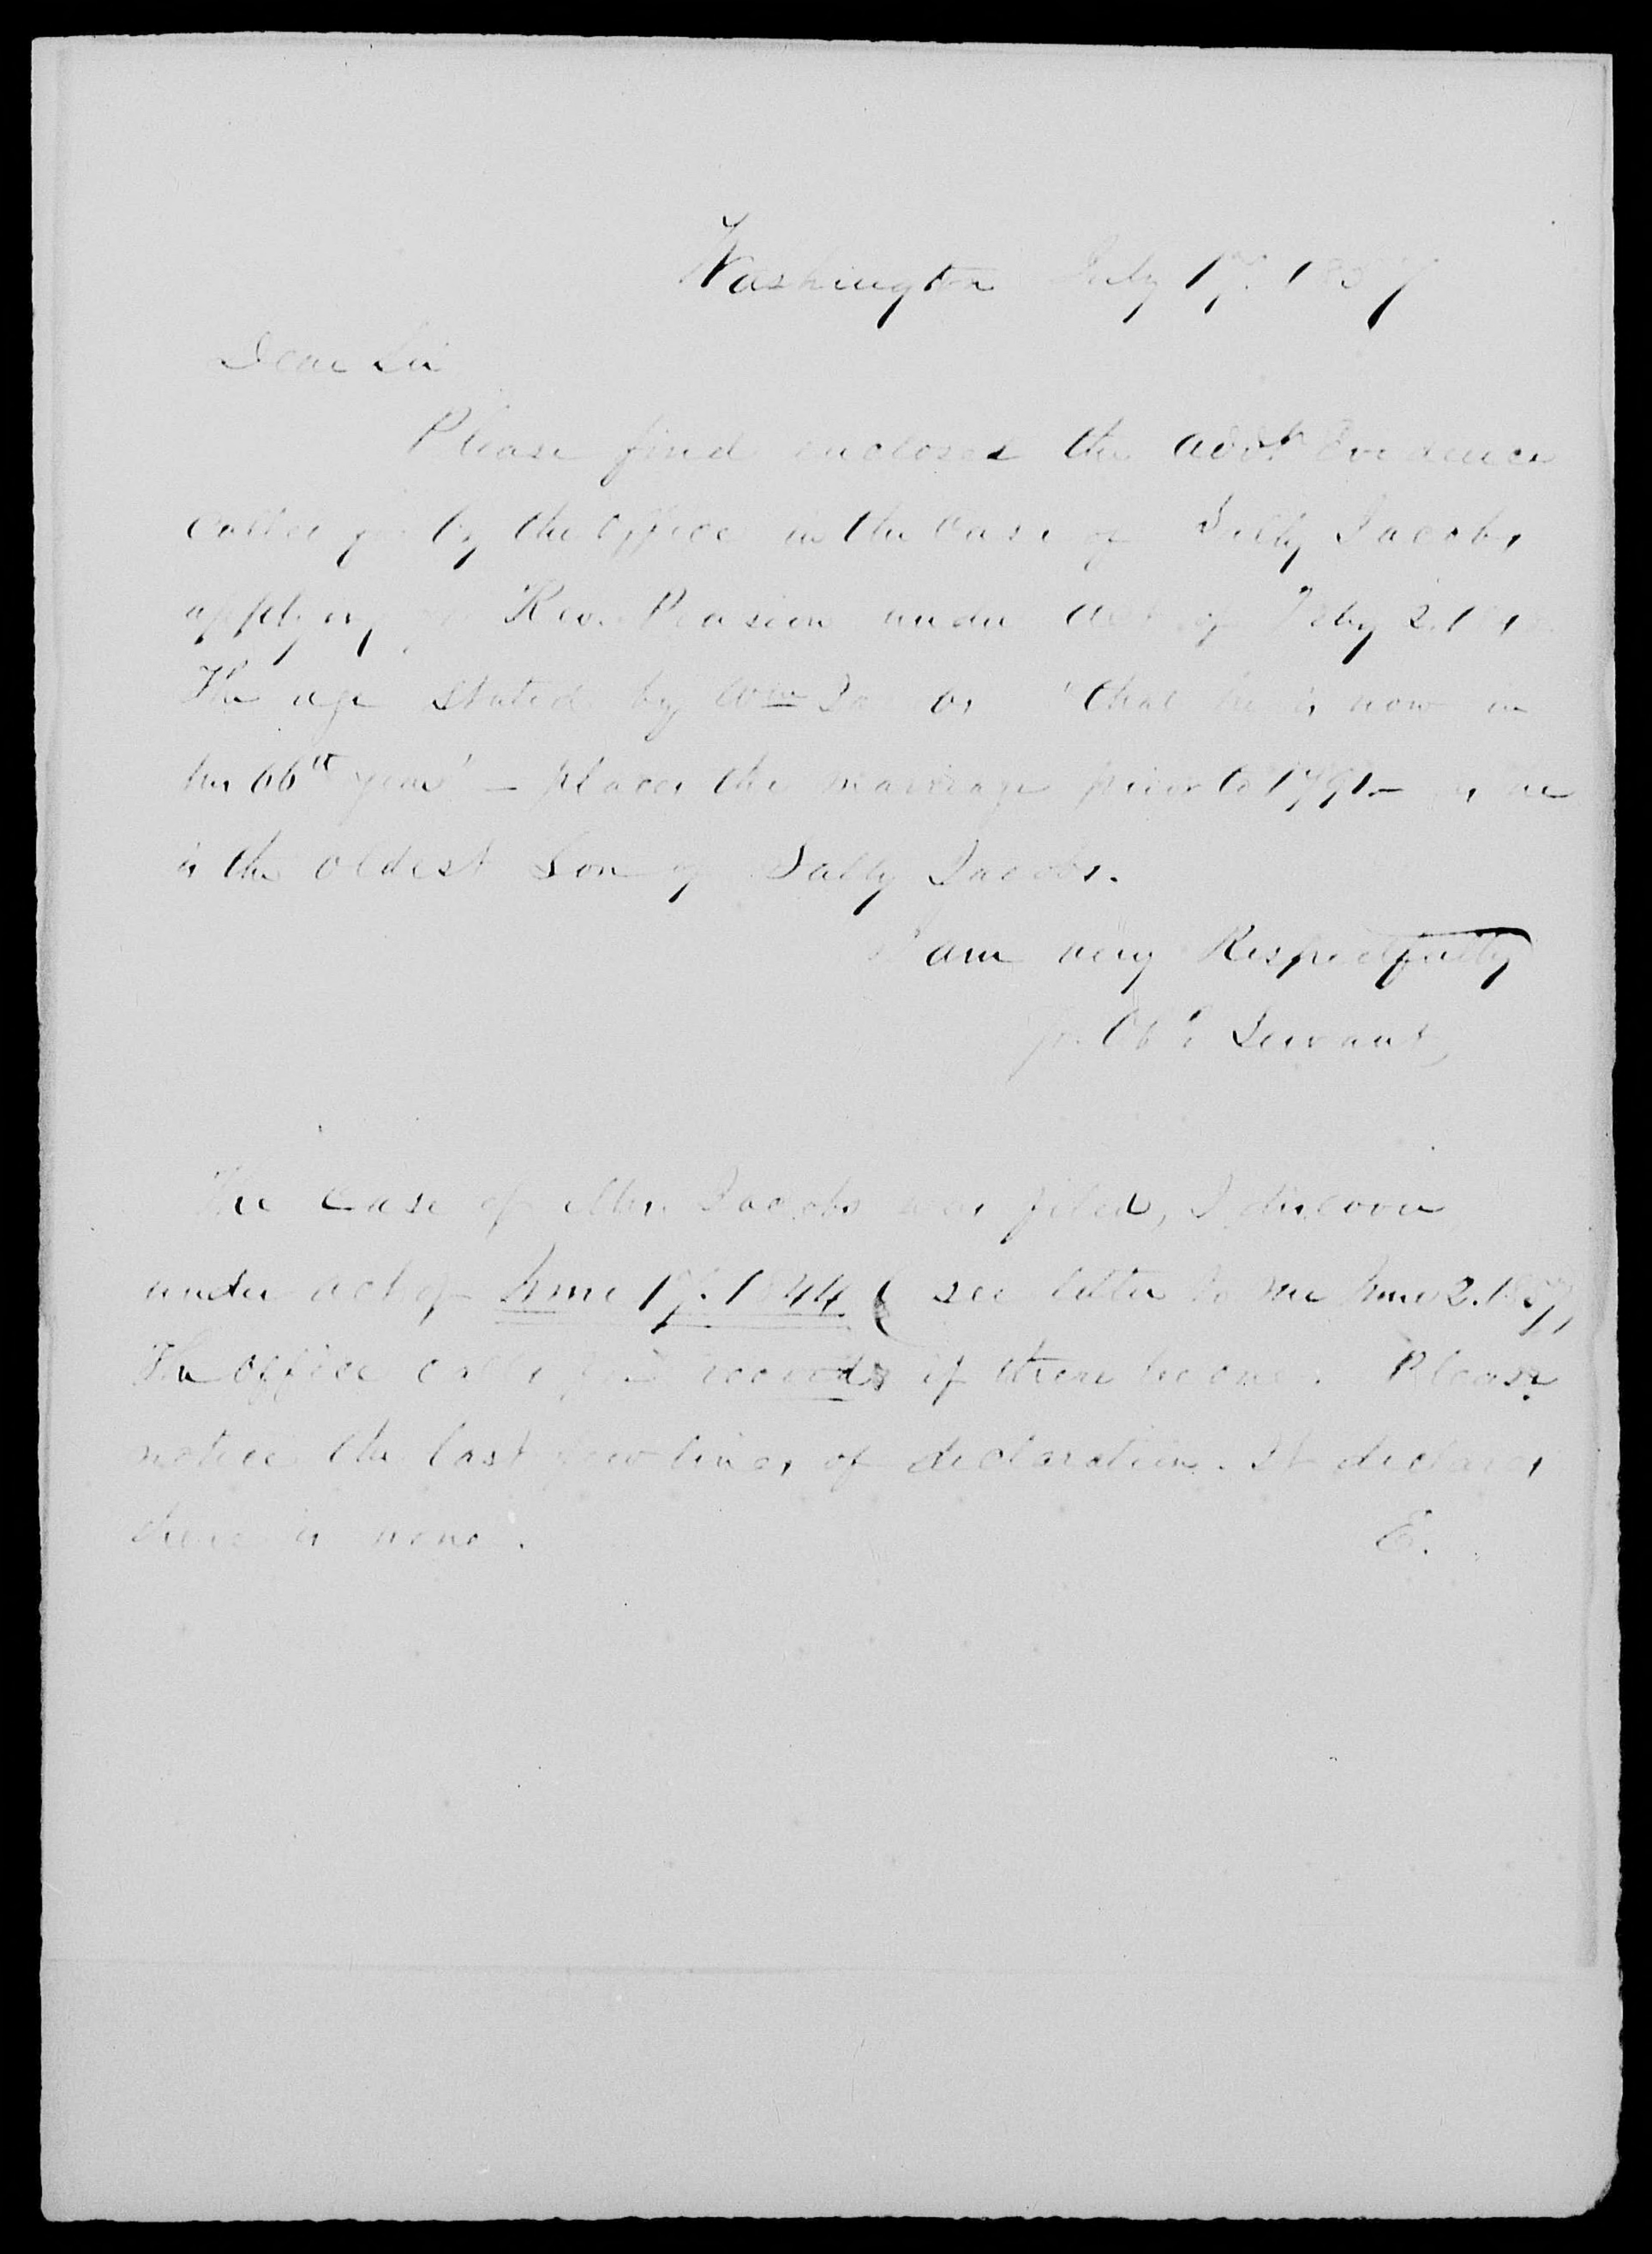Washington  July 17 1857

Dear Sir
    Please find enclosed the add't Evidence  called for by the Office in the case of Sally Jacobs application for Rev Pension under act of Feby 2 18[illegible]1.  The age Stated by Wm Jacobs is that he is now in his 66th year - places the marriage prior to 1791 - as he is the oldest Son of Sally Jacobson.
                                I am very Respectfully
                                yr Obt Servant,

The case of Mrs Jacobs was filed, I discover under act of June 17 1844[this date is double underlined] (see letter to me June 2, 1857)  The office called for records if there became.  Please notice the last few lines of declaration.  It declares June is [illegible]
                                       [initial]  E.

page: 22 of 40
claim: widow's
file: W. 5304, for Zachariah Jacobs, North Carolina